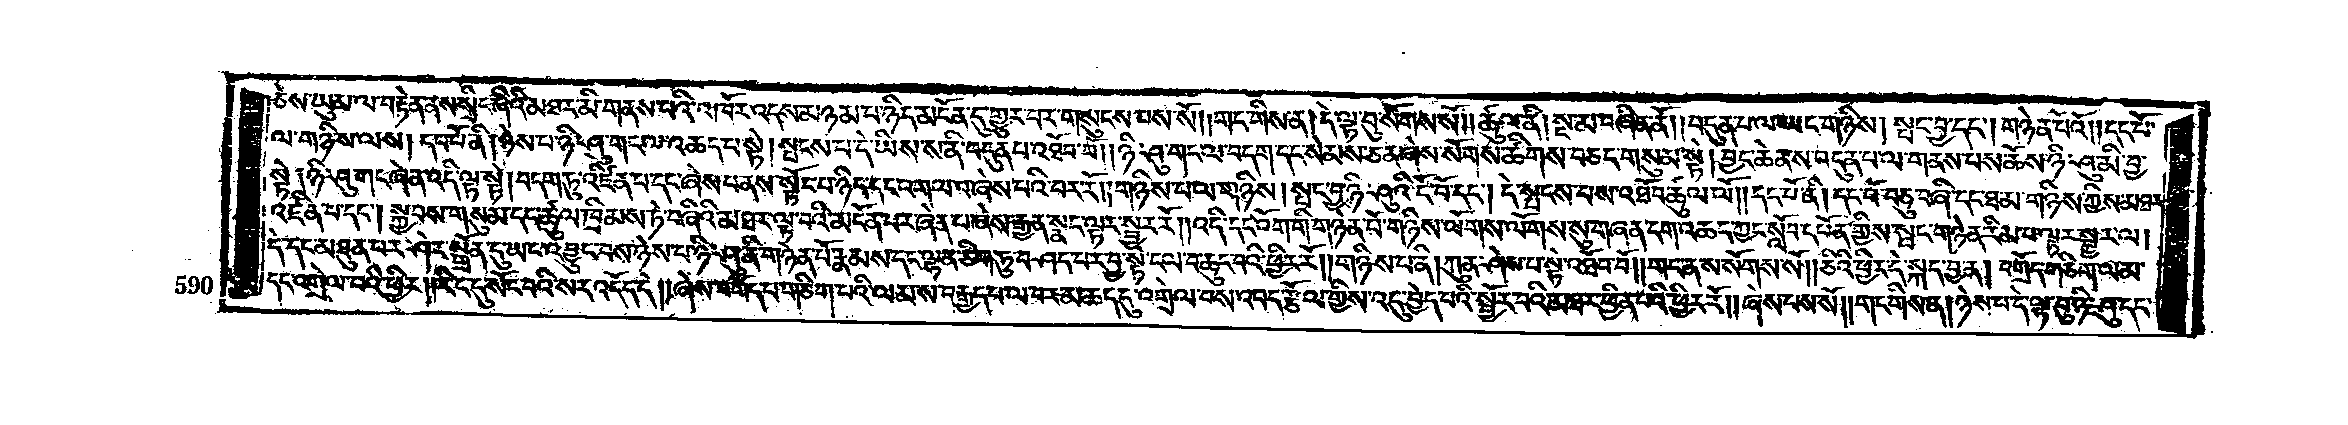ཅེས་ཡུམ་ལ་བརྟེན་ནས་སྲིད་ཞིའི་མཐར་མི་གནས་པའི་འཁོར་འདས་མཉམ་པ་ཉིད་མངོན་དུ་གྱུར་པར་གསུངས་པས་སོ། །གང་གིས་ན། དེ་ལྟ་བུ་སོགས་སོ། །ཚུལ་ནི། སྔ་མ་བཞིན་ནོ། །བདུན་པ་ལ་ཡང་གཉིས། སྤང་བྱ་དང་། གཉེན་པོའོ། །དང་པོ་
ལ་གཉིས་ལས། དང་པོ་ནི། ཉེས་པ་ཉི་ཤུ་གང་ལ་འཆད་པ་སྟེ། སྤངས་པ་དེ་ཡིས་ས་ནི་བདུན་པ་འཐོབ་བོ། །ཉི་ཤུ་གང་ལ་བདག་དང་སེམས་ཅན་ཞེས་སོགས་ཚིགས་བཅད་གསུམ་སྟེ། བྱང་ཆེན་ས་བདུན་པ་ལ་གནས་པས་ཆོས་ཉི་ཤུ་མི་བྱ་
སྟེ། ཉི་ཤུ་གང་ཞེ་ན་འདི་ལྟ་སྟེ། བདག་ཏུ་འཛིན་པ་དང་ཞེས་པ་ནས་སྟོང་པ་ཉིད་དང་འགལ་བ་ཞེས་པའི་བར་རོ། །གཉིས་པ་ལ་གཉིས། སྤང་བྱ་ཉི་ཤུའི་ངོ་བོ་དང་། དེ་སྤངས་པས་འཐོབ་ཚུལ་ལོ། །དང་པོ་ནི། དང་པོ་བཅུ་བཞི་དང་ཐ་མ་གཉིས་ཀྱིས་མཐར་
འཛིན་པ་དང་། སྐྱབས་གསུམ་དང་ཚུལ་ཁྲིམས་ཏེ་བཞིའི་མཐར་ལྟ་བའི་མངོན་པར་ཞེན་པ་ཞེས་རྒྱན་སྣང་ལྟར་སྦྱར་རོ། །འདི་དང་འོག་གི་གཉེན་པོ་གཉིས་ལོགས་ལོགས་སུ་གཞན་དག་འཆད་ཀྱང་སློབ་དཔོན་གྱིས་སྤང་གཉེན་རིམ་པ་ལྟར་སྦྱར་ལ།
དེ་དང་མཐུན་པར་ཤེར་སྒྲོན་དུ་ཡང་འབྱུང་བས་ཉེས་པ་ཉི་ཤུ་ནི་གཉེན་པོ་རྣམས་དང་ལྷན་ཅིག་ཏུ་བཤད་པར་བྱ་སྟེ་ངལ་བ་ཆུང་བའི་ཕྱིར་རོ། །གཉིས་པ་ནི། ཀུན་ཤེས་པ་སྟེ་འཐོབ་བོ། །གང་ན་ས་སོགས་སོ། །ཅིའི་ཕྱིར་དེ་སྐད་བྱ་ན། བགྲོད་གཅིག་ལམ་
དང་འགྲེལ་བའི་ཕྱིར། །རིང་དུ་སོང་བའི་སར་འདོད་དེ། །ཞེས་བགྲོད་པ་གཅིག་པའི་ལམ་ས་བརྒྱད་པ་ལ་བར་མཆད་དུ་འགྲེལ་བས་འབད་རྩོལ་གྱིས་འདུ་བྱེད་པའི་སྦྱོར་བའི་མཐར་ཕྱིན་པའི་ཕྱིར་རོ། །ཞེས་པས་སོ། །གང་གིས་ན། ཉེས་པ་དེ་ལྟ་བུ་ཉི་ཤུ་དང་